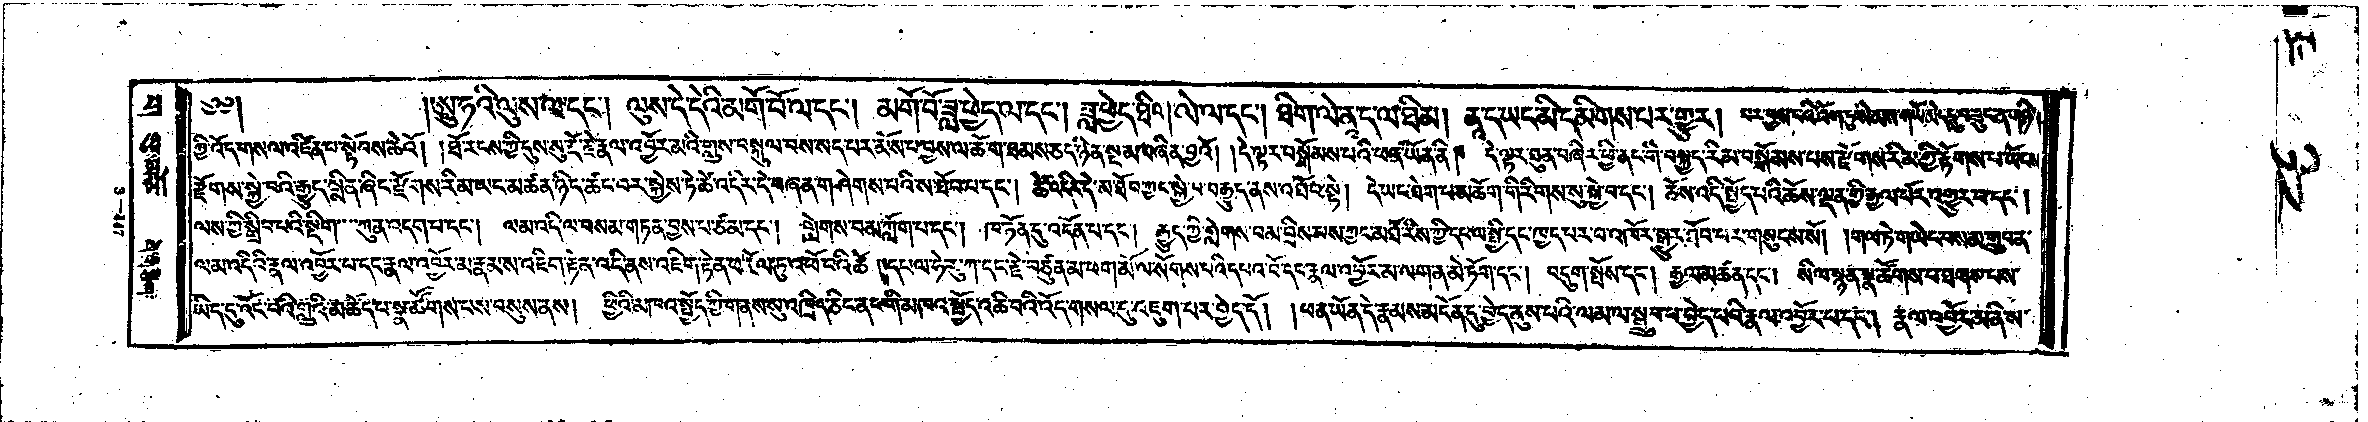༄༅། །ཨཱུ་ཧའི་ལུས་ལ་དང་། ལུས་དེ་དེའི་མགོ་བོ་ལ་དང་། མགོ་བོ་ཟླ་ཕྱེད་ལ་དང་། ཟླ་ཕྱེད་ཐིག་ལེ་ལ་དང་། ཐིག་ལེ་ནཱ་ད་ལ་ཐིམ། ནཱ་ད་ཡང་མི་དམིགས་པར་གྱུར། པར་བྱས་པའི་འོག་ཏུ་སིམས་གཡོ་མེད་དུ་བཟུང་ན་གཉི།
ཀྱི་འོད་གསལ་འཛིན་པ་སྟོབས་ཆེའོ། །ཐོ་རངས་ཀྱི་དུས་སུ་རྡོ་རྗེ་རྣལ་འབྱོར་མའི་གླུས་བསྐུལ་བས་སད་པར་མོས་པ་བྱས་ལ་ཆོ་ག་ཐམས་ཅད་ཉིན་སྔ་མ་བཞིན་བྱའོ། །དེ་ལྟར་བསྒོམས་པའི་ཕན་ཡོན་ནི། དེ་ལྟར་ཐུན་བཞིར་ཕྱི་ནང་གི་བསྐྱད་རིམ་བསྒོམས་པས་རྫོགས་རིམ་གྱི་རྟོགས་པ་ཡོངས་
རྫོགས་སྐྱེ་བའི་རྒྱུད་སྨིན་ཞིང་རྫོགས་རིམ་ཡང་མཚན་ཉིད་ཚང་བར་སྐྱེས་ཏེ་ཚེ་འདིར་དེ་བཞན་གཤེགས་པའི་ས་ཐོབ་པ་དང་། ཚེ་འདིར་དེ་མ་ཐོབ་ཀྱང་སྐྱེ་བ་བརྒྱུད་ནས་འཐོབ་སྟེ། དེ་ཡང་ཐེག་པ་མཆོག་གི་རིགས་སུ་སྐྱེ་བ་དང་། ཆོས་འདི་སྤྱོད་པའི་ཆོས་ལྡན་གྱི་རྒྱལ་པོར་འགྱུར་བ་དང་།
ལས་ཀྱི་སྒྲིབ་པའི་སྡིག་ཀུན་བདག་པ་དང་། ལམ་འདི་ལ་བསམ་གཏན་བྱས་པ་ཙམ་དང་། གླེགས་པམ་ཀློག་པ་དང་། ཁ་ཏོན་དུ་འདོན་པ་དང་། རྒྱུད་ཀྱི་གླེགས་བམ་བྲིས་པས་ཀྱང་མཐོ་རིས་ཀྱི་དཔལ་སྤྱི་དང་ཁྱད་པར་བ་འཁོར་སྒྱུར་ཐོབ་པར་གསུངས་སོ། །གལ་ཏེ་གཡེང་བས་མ་གྲུབ་ན་
ལམ་འདིའི་རྣལ་འབྱོར་པ་དང་རྣལ་འབྱོར་མ་རྣམས་འཇིག་རྟེན་འདི་ནས་འཇིག་རྟེན་ཕ་རོལ་ཏུ་འཕོ་བའི་ཚེ། །དཔལ་ཧེ་རུ་ཀ་དང་རྗེ་བཙུན་མ་ཕག་མོ་ལ་སོགས་པའི་དཔའ་བོ་དང་རྣལ་འབྱོར་མ་ལག་ན་མེ་ཏོག་དང་། བདུག་སྤོས་དང་། རྒྱལ་མཚན་དང་། སིལ་སྙན་སྣ་ཚོགས་བ་ཐགས་བས་
ཡིད་དུ་འོང་བའི་གླུའི་མཆོད་པ་སྣ་ཚོགས་པས་བསུས་ནས། ཕྱིའི་མཁའ་སྤྱོད་ཀྱི་གནས་སུ་འཁྲིད་ཅིང་ནང་གི་མཁའ་སྤྱོད་འཆི་བའི་འོད་གསལ་དུ་འཇུག་པར་བྱེད་དོ། །ཕན་ཡོན་དེ་རྣམས་མངོན་དུ་བྱེད་ནུས་པའི་ལམ་ལ་སྒྲུབ་པ་བྱེད་པའི་རྣལ་འབྱོར་པ་དང་། རྣལ་འབྱོར་མ་ནི་ས་